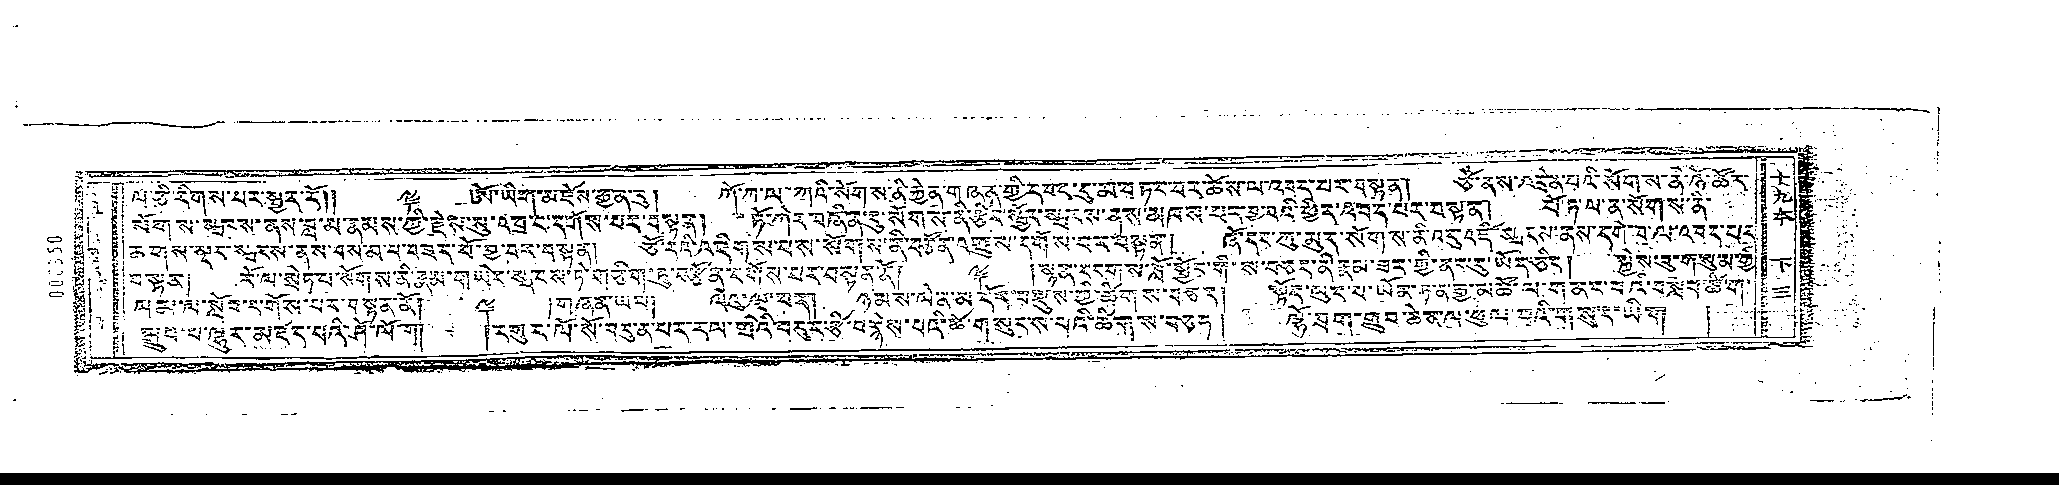ལ་ཅི་རིགས་པར་སྦྱར་རོ།། ༈ ཨོ་ཡིག་མཛེས་རྒྱན་དུ། ཀོ་ཀ་ལ་ཀའི་སོགས་ནི་རྐྱེན་གཞན་གྱི་དབང་དུ་མ་བཏང་བར་ཆོས་ལ་འབད་པར་བསྟན། ཅོ་ནས་འདྲེན་པའི་སོགས་ནི་ཉོ་ཆོང་
སོགས་སྤངས་ནས་བླ་མ་རྣམས་ཀྱི་རྗེས་སུ་འབྲང་དགོས་བར་བསྟན། ཏོ་ཀེང་བཞིན་དུ་སོགས་ནི་རྩིང་སྤྱོད་སྤངས་ནས་མཁས་པར་བྱ་བའི་ཕྱིར་འབད་པར་བསྟན། པོ་ཏ་ལ་ན་སོགས་ནི་
ཆགས་སྡང་སྤངས་ནས་བསམ་པ་འྯང་པོ་བྱ་བར་བསྟན། རྩོ་རའི་འཇིགས་པས་སོགས་ནི་བཅོན་འགྲུས་དགོས་པར་བསྟན། ཞོ་དང་ཀུ་མུད་སོགས་ནི་འདུ་འཛི་སྤངས་ནས་དགེ་པ་ལ་འབད་པར་
བསྟན། རོ་ལ་སྲེ་ཧེ་པ་སོགས་ནི་རྣམ་གཡེང་སྤངས་ཏེ་གཅིག་ཏུ་བརྩོན་དགོས་པར་བསྟན་ནོ། ༈ །སྙན་དངགས་བློ་སྦྱོང་གི་ས་བཅད་ནི་རྣམ་ཐར་གྱི་ནང་དུ་ཡོད་ཅིང་། སྐྱེས་བུ་གསུམ་གྱི་
ལམ་ལ་སློབ་དགོས་པར་བསྟན་ནོ། ༈ །གཞན་ཡང་། ལེའུ་ལྔ་པར། ཉམས་ལེན་མདོར་བསྡུས་ཀྱི་ཚིགས་བཅད། སྟོང་ལུང་བ་ཡོན་ཏན་རྒྱ་མཚོ་ལ་གནང་བའི་བསླབ་ཚིག་
སྒྲུབ་བ་ལྷུར་མཛད་པའི་ཤོ་ལོ་ཀ། །དགུང་ལོ་སོ་བདུན་པར་རལ་གྲིའི་བདུད་རྩི་བརྙེས་པའི་ཚེ་གསུངས་པའི་ཚིགས་བཅད། ལྷོ་བྲག་གྲུབ་ཆེན་ལ་ཕུལ་བའི་གསུངས་ཡིག་